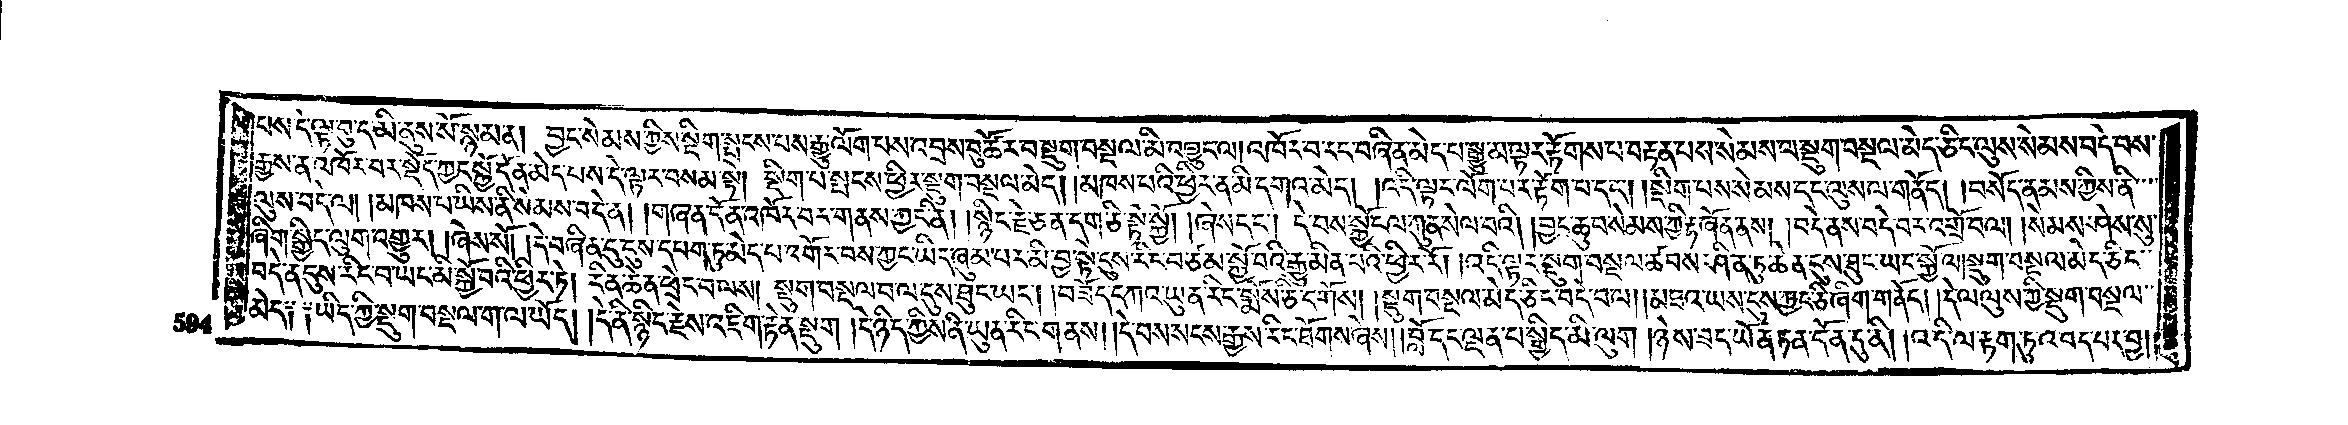པས་དེ་ལྟ་བུ་དེ་མི་ནུས་སོ་སྙམ་ན། བྱང་སེམས་ཀྱིས་སྡིག་སྤངས་པས་རྒྱུ་ལོག་པས་འབྲས་བུ་ཚོར་བ་སྡུག་བསྔལ་མི་འབྱུང་ལ། འཁོར་བ་རང་བཞིན་མེད་པ་སྒྱུ་མ་ལྟར་རྟོགས་པ་བརྟན་པས་སེམས་ལ་སྡུག་བསྔལ་མེད་ཅིང་ལུས་སེམས་བདེ་བས་
རྒྱས་ན་འཁོར་བར་སྡོད་ཀྱང་སྐྱོ་དོན་མེད་པས་དེ་ལྟར་བསམ་སྟེ། སྡིག་པ་སྤངས་ཕྱིར་སྡུག་བསྔལ་མེད། །མཁས་པའི་ཕྱིར་ན་མི་དགའ་མེད། །འདི་ལྟར་ལོག་པར་རྟོག་པ་དང་། །སྡིག་པས་སེམས་དང་ལུས་ལ་གནོད། །བསོད་ནམས་ཀྱིས་ནི་
ལུས་བདེ་ལ། །མཁས་པ་ཡིས་ནི་སེམས་བདེ་ན། །གཞན་དོན་འཁོར་བར་གནས་ཀྱང་ནི། །སྙིང་རྗེ་ཅན་དག་ཅི་སྟེ་སྐྱོ། །ཞེས་དང་། དེ་བས་སྐྱོ་ངལ་ཀུན་སེལ་བའི། །བྱང་ཆུབ་སེམས་ཀྱི་རྟ་ཞོན་ནས། །བདེ་ནས་བདེ་བར་འགྲོ་བ་ལ། །སེམས་ཤེས་སུ་
ཞིག་སྒྱིད་ལུག་འགྱུར། །ཞེས་སོ། །དེ་བཞིན་དུ་དུས་དཔག་ཏུ་མེད་པ་འགོར་བས་ཀྱང་ཡིད་ཞུམ་པར་མི་བྱ་སྟེ་དུས་རིང་བ་ཙམ་སྐྱོ་བའི་རྒྱུ་མིན་པའི་ཕྱིར་རོ། །འདི་ལྟར་སྡུག་བསྔལ་ཚབས་ཤིན་ཏུ་ཆེ་ན་དུས་ཐུང་ཡང་སྐྱོ་ལ། སྡུག་བསྔལ་མེད་ཅིང་
བདེ་ན་དུས་རིང་བ་ཡང་མི་སྐྱོ་བའི་ཕྱིར་ཏེ། རིན་ཆེན་ཕྲེང་བ་ལས། སྡུག་བསྔལ་བ་ལ་དུས་ཐུང་ཡང་། །བཟོད་དཀའ་ཡུན་རིང་སྨོས་ཅི་དགོས། །སྡུག་བསྔལ་མེད་ཅིང་བདེ་བ་ལ། །མཐའ་ཡས་དུས་ཀྱང་ཅི་ཞིག་གནོད། །དེ་ལ་ལུས་ཀྱི་སྡུག་བསྔལ་
མེད༑ ༑ཡིད་ཀྱི་སྡུག་བསྔལ་ག་ལ་ཡོད། །དེ་ནི་སྙིང་རྗེས་འཇིག་རྟེན་སྡུག །དེ་ཉིད་ཀྱིས་ན་ཡུན་རིང་གནས། །དེ་བས་སངས་རྒྱས་རིང་ཐོགས་ཞེས། །བློ་དང་ལྡན་པ་སྒྱིད་མི་ལུག །ཉེས་ཟད་ཡོན་ཏན་དོན་དུ་ནི། །འདི་ལ་རྟག་ཏུ་འབད་པར་བྱ། །